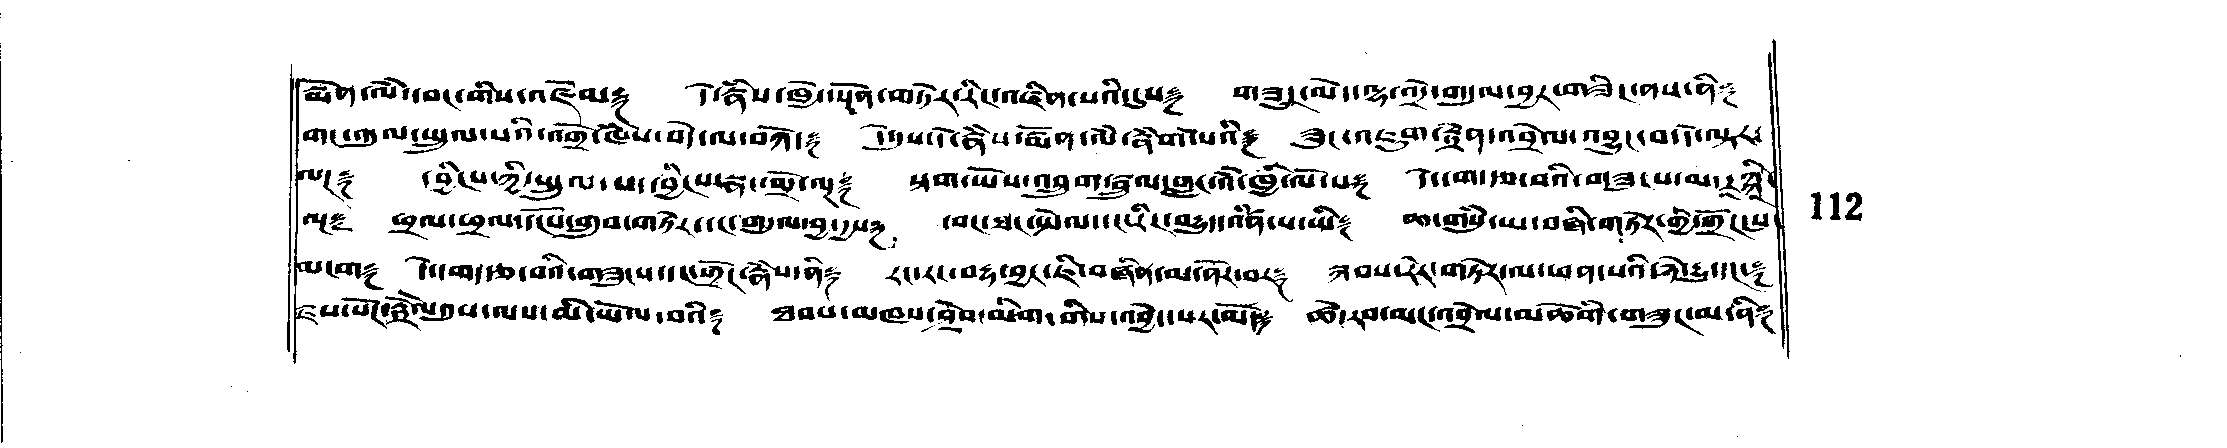སྨོན་ལམ་དབང་གིས་འཛོམ། །དེ་རྣམས་ཁྱོད་སྔོན་གཏེར་རིགས་འཛིན་པའི་དུས། །གཟུགས་མེད་ལྷ་འདྲེ་གདུལ་བྱར་གཟིགས་ནས་ནི། །
གང་འདུལ་སྤྲུལ་པའི་འགྲོ་ཁམས་བདེ་ལ་བཀོད། །དེ་དུས་དེ་རྣམས་སྨོན་ལམ་རྣམ་དག་པོའི། །ཟུང་འཇུག་རྟེན་འབྲེལ་འབྱུང་བ་དེ་ལྟར་
ལགས། །དབྱིངས་ཀྱི་སྤྲུལ་པ་དབྱིངས་སྣང་མཁའ་འགྲོ་ལྔ། །སྟག་ཡོས་འབྲུག་སྦྲུལ་གླང་ངམ་ཁྱི་ལོ་པ། །དེ་དག་རྩ་བའི་གཟུངས་མ་ཌཱཀྐི་
ལྔ། །ཕྲལ་ཕྲལ་དངོས་གྲུབ་གཏེར་དང་གདུལ་བྱ་རྒྱས། །དབང་ཐང་སྤེལ་དང་རིགས་བརྒྱུད་འཛིན་པ་ཡི། །ཆ་གསུམ་ཡ་བཞི་གཏེར་གྱི་གྲོགས་སུ་
མངག༼བསྔགས།?༽།དེ་དག་རྩ་བའི་གཟུངས་དང་གྲོགས་རྣམས་ནི། །རང་རང་བརྡ་བྱང་ཇི་བཞིན་མ་ནོར་བར། །སྐབས་རེར་གཏེར་ལ་ཕན་པའི་ཉེ་རྒྱུ་དང་། །
རྫས་སོགས་རྟེན་འབྲེལ་དུས་ལས་མི་ཡོལ་བའི། །ཐབས་མཁས་ཤེས་རབ་མིག་གིས་འབྱེད་པ་མཛོད། །ཚེ་རབས་མང་འབྲེལ་མཆོག་གི་གཟུགས་མ་ནི།